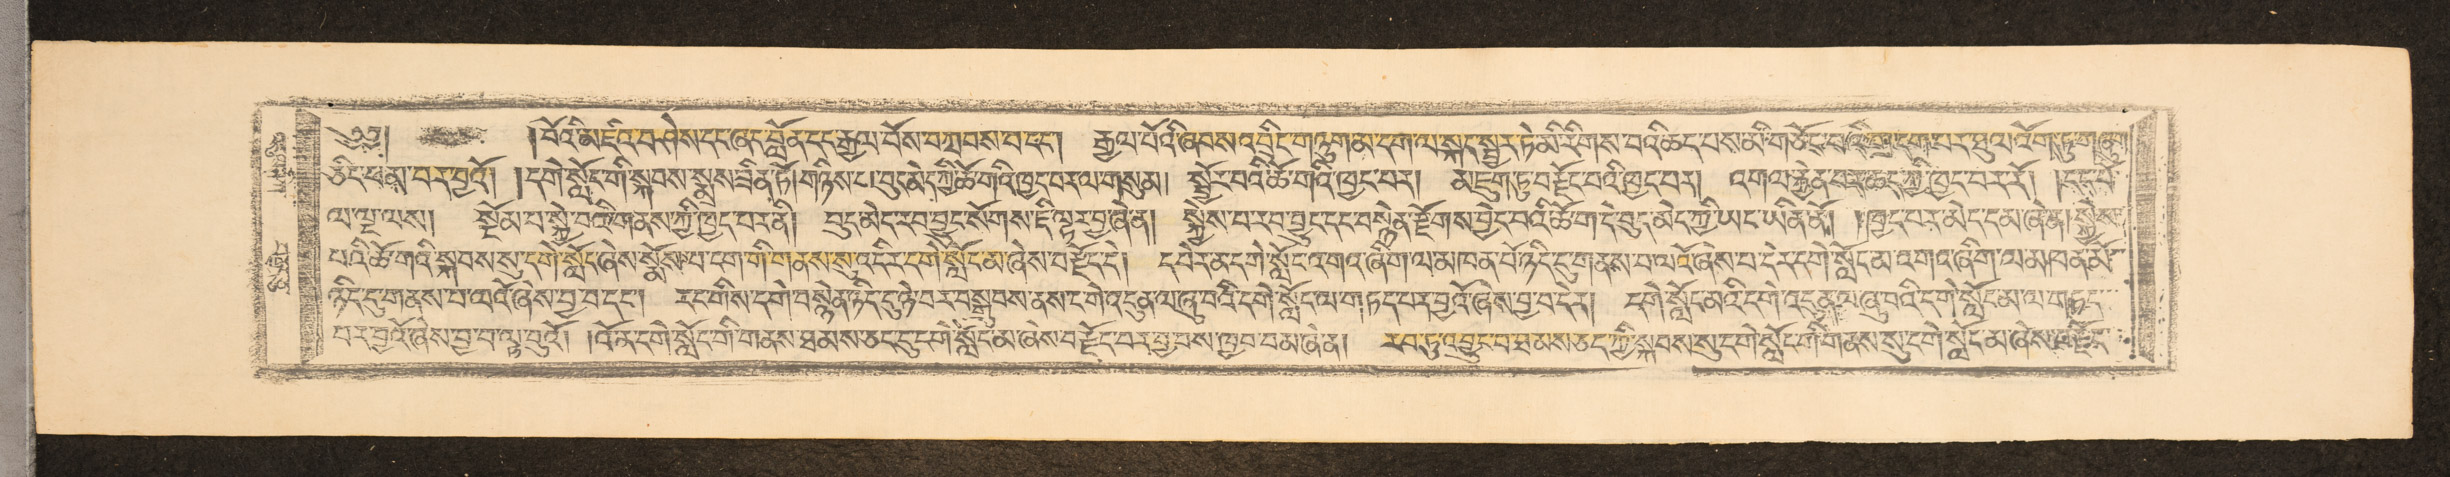༄༅། །པོའི་མཛའ་བཤེས་དང་ཞང་བློན་དང་རྒྱལ་བོས་བཀྲབས་པ་དང་། རྒྱལ་པོའི་ཞབས་འབྲིང་གཉུག་མ་དག་ལ་སྐད་སྦྱར་ཏེ་མི་རིགས་པའི་ཆད་པས་མི་གཅོད་པའི་གྲྭ་དག་པར་ཐུལ་འོག་ཏུ་གཞུག་
ཅིང་ཕམ་པར་བྱའོ། །དགེ་སློང་གི་སྐབས་སྨྲས་ཟིན་ཏོ། གཉིས་པ། བུད་མེད་ཀྱི་ཆོ་གའི་ཁྱད་པར་ལ་གསུམ། སྦྱོར་བའི་ཆོ་གའི་ཁྱད་པར། མཇུག་ཏུ་བརྗོད་པའི་ཁྱད་པར། འགལ་རྐྱེན་བར་ཆད་ཀྱི་ཁྱད་པར་རོ། །དང་པོ་
ལ་ལྔ་ལས། སྡོམ་པ་སྐྱེ་བའི་གནས་ཀྱི་ཁྱད་པར་ནི། བུད་མེད་རབ་བྱུང་སོགས་ཇི་ལྟར་བྱ་ཞེ་ན། སྐྱེས་བ་རབ་བྱུང་དང་བསྙེན་རྫོགས་བྱེད་པའི་ཆོ་ག་དེ་བུད་མེད་ཀྱི་ཡང་ཡིན་ནོ། །ཁྱད་པར་མེད་དམ་ཞེ་ན། སྐྱེས་
པའི་ཆོ་གའི་སྐབས་སུ་དགེ་སློང་ཞེས་སྨོས་པ་དག་གི་གནས་སུ་འདིར་དགེ་སློང་མ་ཞེས་བརྗོད་དེ། དཔེར་ན་དགེ་སློང་འགའ་ཞིག་ལ་མཁན་པོ་ཉིད་དུ་གནས་པ་ལའོ་ཞེས་པ་དེར་དགེ་སློང་མ་འགའ་ཞིག་ལ་མཁན་མོ་
ཉིད་དུ་གནས་པ་ལའོ་ཞེས་བྱ་བ་དང་། རང་གིས་དགེ་བསྙེན་ཉིད་དུ་ཉེ་བར་བསྒྲུབས་ནས་དགེ་འདུན་ལ་ཞུ་བའི་དགེ་སློང་ལ་གཏད་པར་བྱའོ་ཞེས་བྱ་བ་དེར། དགེ་སློང་མའི་དགེ་འདུན་ལ་ཞུ་བའི་དགེ་སློང་མ་ལ་གཏང་
པར་བྱའོ་ཞེས་བྱ་བ་ལྟ་བུའོ། །འོ་ན་དགེ་སློང་གི་གནས་ཐམས་ཅད་དུ་དགེ་སློང་མ་ཞེས་བརྗོད་པར་བྱ་བས་ཁྱབ་བམ་ཞེ་ན། རབ་ཏུ་འབྱུང་བ་ཐམས་ཅད་ཀྱི་སྐབས་སུ་དགེ་སློང་གི་གནས་སུ་དགེ་སློང་མ་ཞེས་བརྗོད་